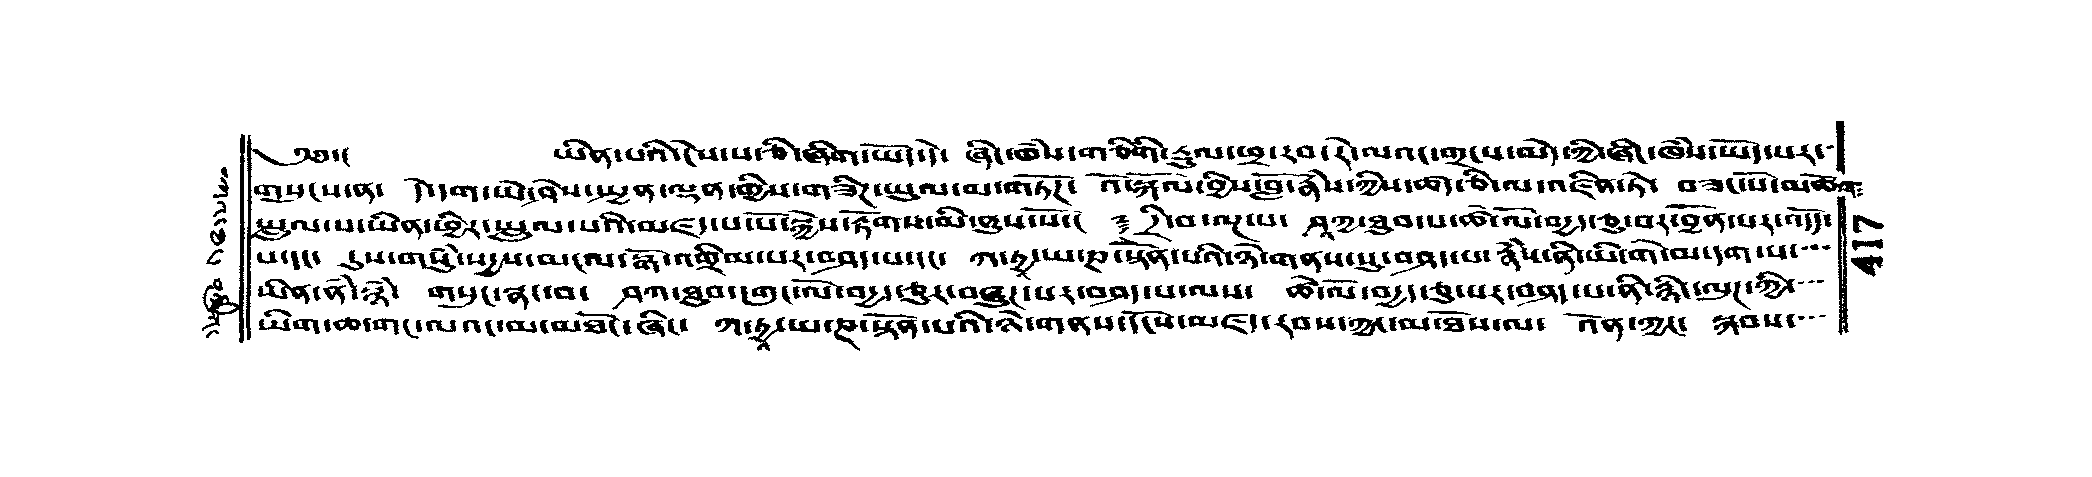ཡིན་པའི་ངེས་པ་ཅི་ཞིག་ཡོད་དེ། ཞིང་ཁམས་གཅིག་གི་རྡུལ་ཕྲ་རབ་རེ་ལའང་གྲངས་མེད་ཀྱི་ཞིང་ཁམས་ཡོད་པར་
གསུངས་ན། དེ་དག་ཡེ་ཤེས་སྤྱན་ལྡན་གྱིས་གཟིགས་ཡུལ་མ་གཏོགས། འོ་སྐོལ་བྱིས་བློ་རྣམས་ཀྱིས་ཚད་ཅི་ལ་འཛིན་ཏེ། བཟང་པོ་མཆོག་
སྤྲུལ་པ་ཡིན་ཕྱིར་སྤྲུལ་པའི་མཛད་པ་སོ་སྐྱེས་རྟོགས་མི་ནུས་སོ། ༈ དྲི་བ་ལྔ་པ། ཤཱཀྱ་ཐུབ་པ་ཚེ་ལོ་བརྒྱད་ཅུ་བར་བྱོན་པར་འདོད་
པ་དང་། དུས་གསུམ་སངས་རྒྱས་མངལ་སྒོ་འགྲིམ་པར་བཤད་པ་དང་། ཀ་ཏྱཱ་ཡ་ཎ་སྟོན་པའི་ཉེ་གནས་སུ་བཤད་པ་རྣམས་ནི་ཡི་གེ་མ་དག་པ་
ཡིན་ནམ་སྙམ། གསུང་སྣང་བ། ཤཱཀ་ཐུབ་དགུང་ལོ་བརྒྱད་ཅུར་བཞུགས་པར་བཤད་པ་ལས། ཚེ་ལོ་བརྒྱད་ཅུ་པར་བཤད་པ་ནི་རྙིང་ལུགས་ཀྱི་
ཡིག་ཆ་གང་ལའང་མ་མཐོང་ཞིང་། ཀ་ཏྱཱ་ཡ་ཎ་སྟོན་པའི་ཉེ་གནས་དངོས་མཛད་རབས་ཀྱང་མ་ཐོས་ལ། འོན་ཀྱང་། སྐབས་